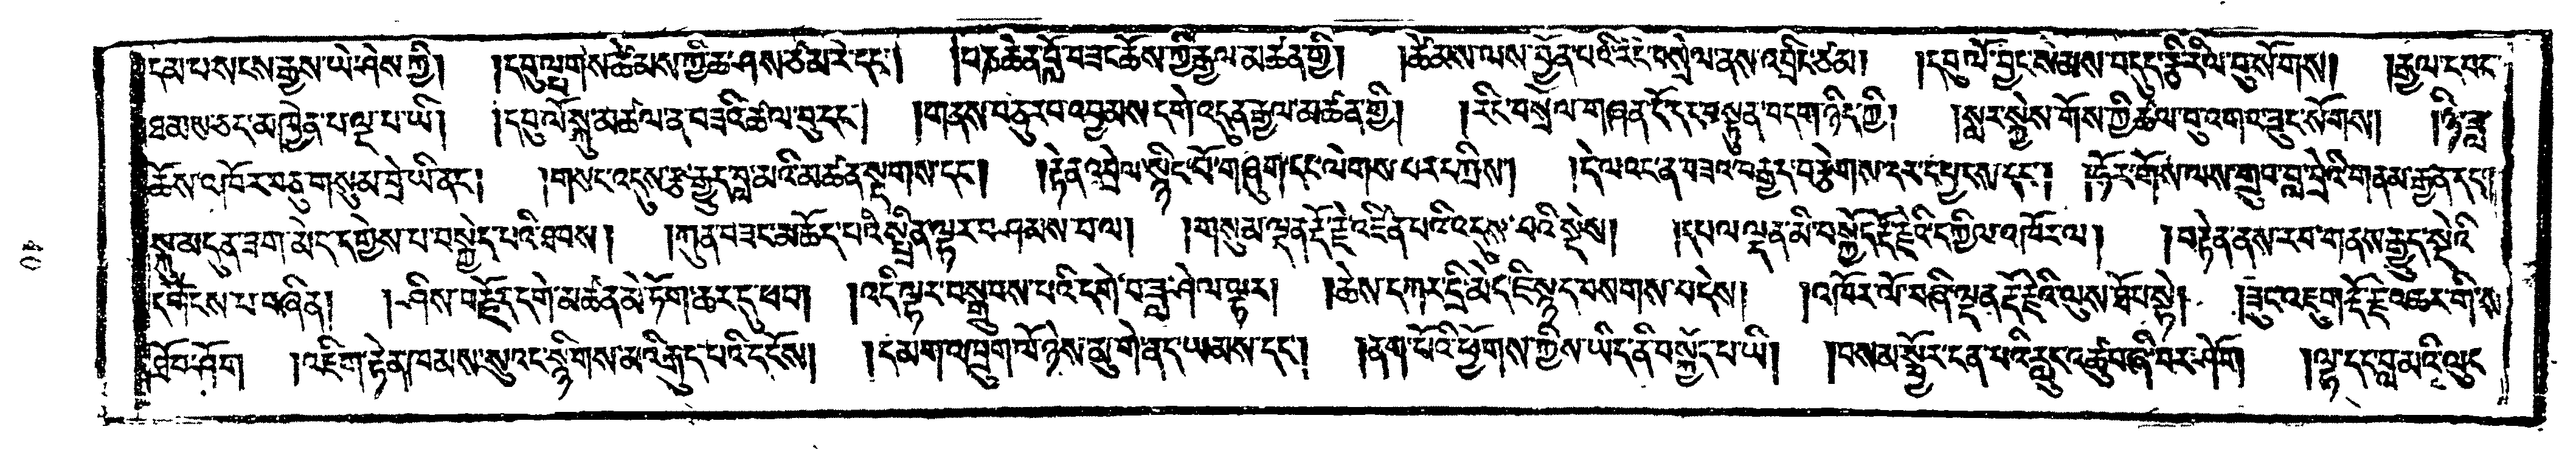དམ་པ་སངས་རྒྱས་ཡེ་ཤེས་ཀྱི། །དབུ་ལྤགས་ཚེམས་ཀྱི་ཆ་ཤས་ཙམ་རེ་དང་། །པཎ་ཆེན་བློ་བཟང་ཆོས་ཀྱི་རྒྱལ་མཚན་གྱི། །ཚེམས་ལས་བྱོན་པའི་རིང་བསྲེལ་ནས་འབྲིང་ཙམ། །དབུ་ལོ་བྱང་སེམས་བདུད་རྩི་རིལ་བུ་སོགས། །རྒྱལ་དབང་
ཐམས་ཅད་མཁྱེན་པ་ལྔ་པ་ཡི། །དབུ་ལོ་སྐུ་མཚལ་ན་བཟའི་ཚལ་བུ་དང་། །གནས་བཅུ་རབ་འབྱམས་དགེ་འདུན་རྒྱལ་མཚན་གྱི། །རིང་བསྲེལ་གཞན་ངོ་དང་བསྟུན་བདག་ཉིད་ཀྱི། །སླར་སྐྱེས་གོས་ཀྱི་ཚལ་བུ་འགའ་ཟུང་སོགས། །ཉི་ཟླ་
ཆོས་འཁོར་བཅུ་གསུམ་བྲེ་ཡི་ནང་། །གསང་འདུས་རྩ་རྒྱུད་བླ་མའི་མཚན་སྔགས་དང་། །རྟེན་འབྲེལ་སྙིང་པོ་གཞུག་དང་ལེགས་པར་དཀྲིས། །དེ་ལའང་ན་བཟའ་བརྒྱད་བརྩེགས་དར་དཔྱངས་དང་། །ཧོར་གོས་ལས་གྲུབ་བླ་བྲེའི་གནམ་རྒྱན་དང་།
སྐུ་མདུན་ཟག་མེད་དགྱེས་པ་བསྐྱེད་པའི་ཐབས། །ཀུན་བཟང་མཆོད་པའི་སྤྲིན་ལྟར་བཤམས་བ་ལ། །གསུམ་ལྡན་རྡོ་རྗེ་འཛིན་པའི་འདུས་བའི་སྡེས། །དཔལ་ལྡན་མི་བསྐྱོད་རྡོ་རྗེའི་དཀྱིལ་འཁོར་ལ། །བརྟེན་ནས་རབ་གནས་རྒྱུད་སྡེའི་
དགོངས་པ་བཞིན། །ཤིས་བརྗོད་དགེ་མཚན་མེ་ཏོག་ཆར་དུ་ཕབ། །འདི་ལྟར་བསྒྲུབས་པའི་དགེ་བ་ཟླ་ཤེལ་ལྟར། །ཆེས་དཀར་དྲི་མེད་ཇི་སྙད་བསགས་པ་དེས། །འཁོར་ལོ་བཞི་ལྡན་རྡོ་རྗེའི་ལུས་ཐོབ་སྟེ། །ཟུང་འཇུག་རྡོ་རྗེ་འཆར་གི་ས་
ཐོབ་ཤོག །འཇིག་རྟེན་ཁམས་སུའང་སྙིགས་མའི་རྒུད་པའི་དངོས། །དམག་འཁྲུག་ལོ་ཉེས་མུ་གེ་ནད་ཡམས་དང་། །ནག་པོའི་ཕྱོགས་ཀྱིས་ཡིད་ནི་བསྐྱོད་པ་ཡི། །བསམ་སྦྱོར་ངན་པའི་རླུང་འཚུབ་ཞི་བར་ཤོག །ལྷ་དང་བླ་མའི་ལུན་